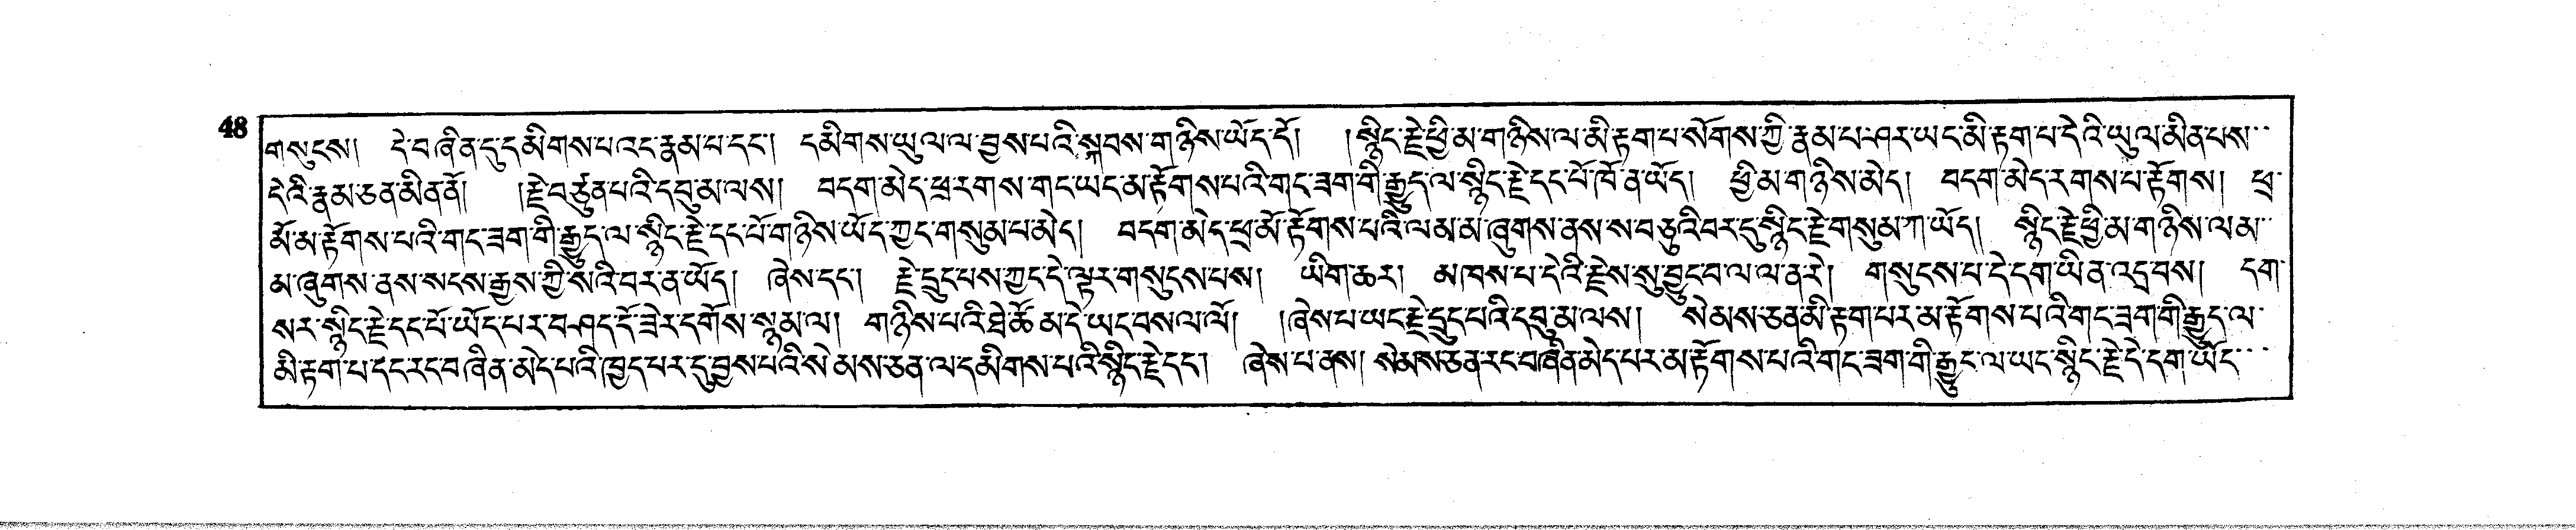གསུངས། དེ་བཞིན་དུ་དམིགས་པའང་རྣམ་པ་དང་། དམིགས་ཡུལ་ལ་བྱས་པའི་སྐབས་གཉིས་ཡོད་དོ། །སྙིང་རྗེ་ཕྱི་མ་གཉིས་ལ་མི་རྟག་པ་སོགས་ཀྱི་རྣམ་པ་ཤར་ཡང་མི་རྟག་པ་དེའི་ཡུལ་མིན་པས་
དེའི་རྣམ་ཅན་མིན་ནོ། །རྗེ་བཙུན་པའི་དབུ་མ་ལས། བདག་མེད་ཕྲ་རགས་གང་ཡང་མ་རྟོགས་པའི་གང་ཟག་གི་རྒྱུད་ལ་སྙིང་རྗེ་དང་པོ་ཁོ་ན་ཡོད། ཕྱི་མ་གཉིས་མེད། བདག་མེད་རགས་པ་རྟོགས། ཕྲ་
མོ་མ་རྟོགས་པའི་གང་ཟག་གི་རྒྱུད་ལ་སྙིང་རྗེ་དང་པོ་གཉིས་ཡོད་ཀྱངས་གསུམ་པ་མེད། བདག་མེད་ཕྲ་མོ་རྟོགས་པའི་ལམ་མ་ཞུགས་ནས་ས་བཅུའི་བར་དུ་སྙིང་རྗེ་གསུམ་ཀ་ཡོད། སྙིང་རྗེ་ཕྱི་མ་གཉིས་ལམ་
མ་ཞུགས་ནས་སངས་རྒྱས་ཀྱི་སའི་བར་ན་ཡོད། ཞེས་དང་། རྗེ་དྲུང་པས་ཀྱང་དེ་ལྟར་གསུངས་པས། ཡིག་ཆར། མཁས་པ་དེའི་རྗེས་སུ་བྱུང་བ་ལ་ལ་ན་རེ། གསུངས་པ་དེ་དག་ཡིན་འདྲ་བས། དག་
སར་སྙིང་རྗེ་དང་པོ་ཡོད་པར་བཤད་དོ་ཟེར་དགོས་སྙམ་ལ། གཉིས་པའི་ཐེ་ཚོམ་དེ་ཡང་བསལ་ལོ། །ཞེས་པ་ཡང་རྗེ་དྲུང་པའི་དབུ་མ་ལས། སེམས་ཅན་མི་རྟག་པར་མ་རྟོགས་པའི་གང་ཟག་གི་རྒྱུད་ལ་
མི་རྟག་པ་དང་རང་བཞིན་མེད་པའི་ཁྱད་པར་དུ་བྱས་པའི་སེམས་ཅན་ལ་དམིགས་པའི་སྙིང་རྗེ་དང་། ཞེས་པ་ནས། སེམས་ཅན་རང་བཞིན་མེད་པར་མ་རྟོགས་པའི་གང་ཟག་གི་རྒྱུད་ལ་ཡང་སྙིང་རྗེ་དེ་དག་ཡོད་